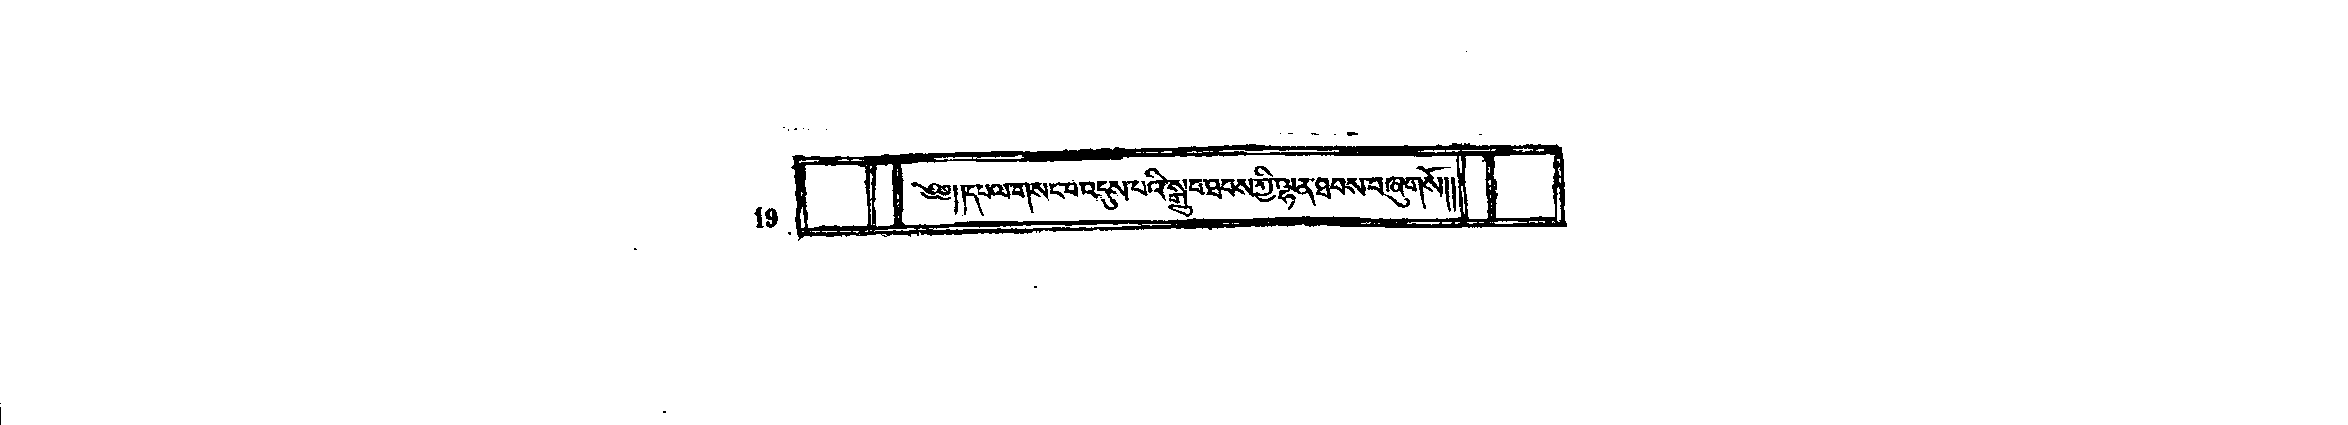༄༅། །དཔལ་གསང་བ་འདུས་པའི་སྒྲུབ་ཐབས་ཀྱི་ལྷན་ཐབས་བཞུགས་སོ། །